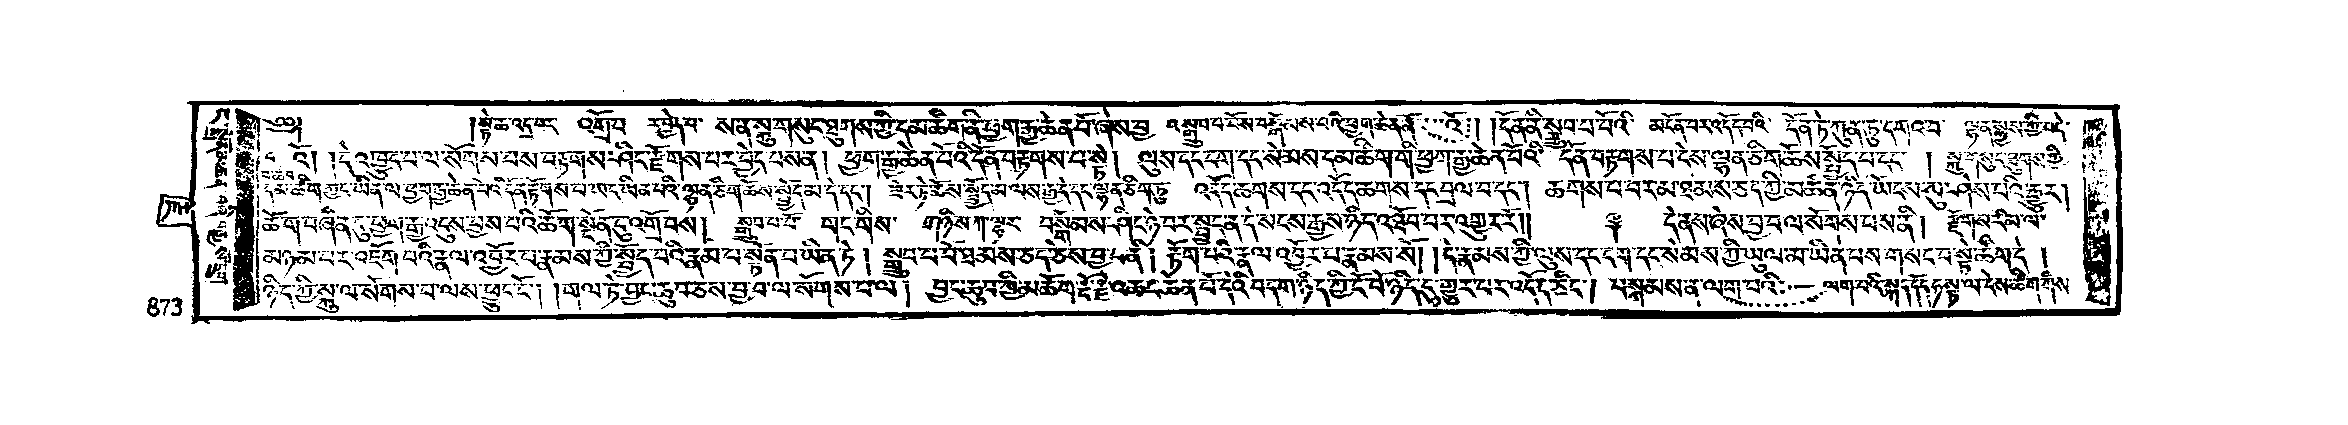༄༅། །སྟེ་ཆ་འདྲ་བར་འགྲོ་བར་བྱེད་པས་ན་སྐུ་གསུང་ཐུགས་ཀྱི་དམ་ཚིག་ནི་ཕྱག་རྒྱ་ཆེན་པོ་ཞེས་བྱ་བ་སྒྲུབ་པ་པོས་བསྒོམས་པའི་ཕྱག་ཆེན་མོ་འོ། །དོན་ནི་སྒྲུབ་པ་པོའི་མངོན་པར་འདོད་པའི་དོན་ཏེ་ཀུན་ཏུ་དགའ་བ་ལྷན་སྐྱེས་ཀྱི་བདེ་
བའོ། །དེ་འབྱུང་པ་ལ་སོགས་པས་བརྟགས་ཤིང་རྫོགས་པར་བྱེད་པས་ན། ཕྱག་རྒྱ་ཆེན་པོའི་དོན་བརྟགས་པ་སྟེ། ལུས་དང་ངག་དང་སེམས་དམ་ཚིག་གི་ཕྱག་རྒྱ་ཆེན་པོའི་དོན་བརྟགས་པ་དེས་ལྷན་ཅིག་ཆོས་སྤྱོད་པ་དང་། སྐུ་གསུང་ཐུགས་ཀྱི་
པ་ཚབ་དམ་ཚིག་ཀྱང་ཡིན་ལ་ཕྱག་རྒྱ་ཆེན་པོའི་དོན་རྟོགས་པ་ཡང་ཡིན་པའི་ལྷན་ཅིག་ཆོས་སྤྱོད་མ་དེ་དང་། ཟེར་ཏེ་ཆོས་སྤྱོད་མ་ལས་རྒྱ་དེ་དང་ལྷན་ཅིག་ཏུ་འདོད་ཆགས་དང་འདོད་ཆགས་དང་བྲལ་བ་དང་། ཆགས་པ་བར་མ་ཐམས་ཅད་ཀྱི་མཚན་ཉིད་ཡོངས་སུ་ཤེས་པའི་རྒྱུར།
ཆོ་ག་བཞིན་དུ་ཕྱག་རྒྱ་འདུས་བྱས་པའི་ཆོ་ག་སྔོན་དུ་འགྲོ་བས། སྒྲུབ་པ་པོ་གང་གིས་གཉིས་ཀ་ལྷར་བསྒོམས་ཤིང་ཉེ་བར་སྤྱད་ན་དེ་སངས་རྒྱས་ཉིད་འཐོབ་པར་འགྱུར་རོ།། ༈ དེ་ནས་ཞེས་བྱ་བ་ལ་སོགས་པས་ནི། རྫོགས་རིམ་ལ
མཉམ་པར་འཇོག་པའི་རྣལ་འབྱོར་པ་རྣམས་ཀྱི་སྤྱོད་པའི་རྣམ་པ་སྟོན་པ་ཡིན་ཏེ། སྒྲུབ་པ་པོ་ཐམས་ཅད་ཅེས་བྱ་བ་ནི། རྟོག་པའི་རྣལ་འབྱོར་པ་རྣམས་སོ། །དེ་རྣམས་ཀྱི་ལུས་དང་ངག་དང་སེམས་ཀྱི་ཡུལ་མ་ཡིན་པས་གསང་བ་སྟེ་ཚིག་དེ།
ཉིད་ཀྱི་སྐུ་ལ་སོགས་པ་ལས་ཕྱུང་ངོ། །གལ་ཏེ་བྱང་ཆུབ་ཅས་བྱ་བ་ལ་སོགས་པ་ལ། བྱང་ཆུབ་ཀྱི་མཆོག་རྡོ་རྗེ་འཆང་ཆེན་པོ་དེའི་བདག་ཉིད་ཀྱི་ངོ་བོ་ཉིད་དུ་གྱུར་པར་འདོད་ཅིང་། བསྒམས་ན་ལག་པའི་H.་ལག་པའི་སྐད་དོད་ཧ་སྟ་ལ་ངེས་ཚིག་གིས་